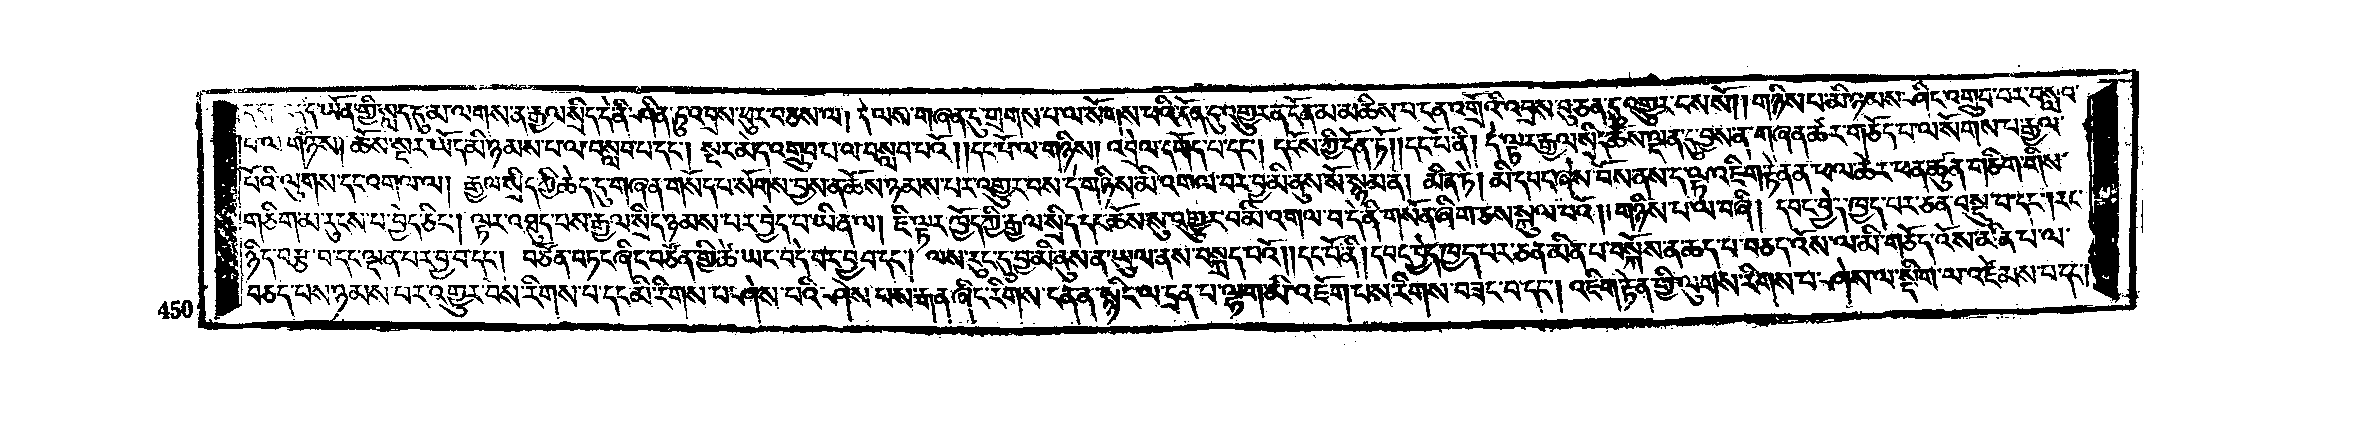དང་། འདོད་ཡོན་གྱི་སླད་དུ་མ་ལགས་ན་རྒྱལ་སྲིད་དེ་ནི་ཤིན་ཏུ་འབྲས་ཕུར་བཅས་ལ། དེ་ལས་གཞན་དུ་གྲགས་པ་ལ་སོགས་པའི་དོན་དུ་འགྱུར་ན་དོན་མ་མཆིས་པ་ངན་འགྲོའི་འབྲས་བུ་ཅན་དུ་འགྱུར་བས་སོ། །གཉིས་པ་མི་ཉམས་ཤིང་འགྲུབ་པར་བསླབ་
པ་ལ་གཉིས། ཆོས་སྔར་ཡོད་མི་ཉམས་པ་ལ་བསླབ་པ་དང་། སྔར་མེད་འགྲུབ་པ་ལ་བསླབ་པའོ། །དང་པོ་ལ་གཉིས། འབྲེལ་དགོད་པ་དང་། དངོས་ཀྱི་དོན་ཏོ། །དང་པོ་ནི། དེ་ལྟར་རྒྱལ་སྲིད་ཆོས་ལྡན་དུ་བྱས་ན་གཞན་ཚར་གཅོད་པ་ལ་སོགས་པ་རྒྱལ་
པོའི་ལུགས་དང་འགལ་ལ། རྒྱལ་སྲིད་ཀྱི་ཆེད་དུ་གཞན་གསོད་པ་སོགས་བྱས་ན་ཆོས་ཉམས་པར་འགྱུར་བས་དེ་གཉིས་མི་འགལ་བར་བྱ་མི་ནུས་སོ་སྙམ་ན། མིན་ཏེ། མི་དབང་ཞེས་པོས་ནས་ད་ལྟ་འཇིག་རྟེན་ན་ཕལ་ཆེར་ཕན་ཚུན་གཅིག་གིས་
གཅིག་མ་རུངས་པ་བྱེད་ཅིང་། ལྟར་འཐུད་པས་རྒྱལ་སྲིད་ཉམས་པར་བྱེད་པ་ཡིན་ལ། ཇི་ལྟར་ཁྱོད་ཀྱི་རྒྱལ་སྲིད་དང་ཆོས་སུ་འགྱུར་བ་མི་འགལ་བ་དེ་ནི་གསོན་ཞིག་ཅས་སྐུལ་བའོ། །གཉིས་པ་ལ་བཞི། དབང་བྱེད་ཁྱད་པར་ཅན་བསྡུ་བ་དང་། རང་
ཉིད་བརྩ་བ་དང་ལྡན་པར་བྱ་བ་དང་། བཙོན་བཏང་ཞིང་བཙོན་གྱི་ཚེ་ཡང་བདེ་བར་བྱ་བ་དང་། ལས་རུང་དུ་བྱ་མི་ནུས་ན་ཡུལ་ནས་བསྐྲད་པའོ། །དང་པོ་ནི། དབང་བྱེད་ཁྱད་པར་ཅན་མིན་པ་བསྐོས་ན་ཆད་པ་བཅད་འོས་ལ་མི་གཅོད་འོས་མིན་པ་ལ་
བཅད་པས་ཉམས་པར་འགྱུར་བས་རིགས་པ་དང་མི་རིགས་པ་ཤེས་པའི་ཤེས་པས་རྒན་ཞིང་རིགས་ངན་ན་སྙིང་ལ་དྲན་པ་ལྷག་མི་འཇོག་པས་རིགས་བཟང་བ་དང་། འཇིག་རྟེན་གྱི་ལུགས་རིགས་པ་ཤེས་ལ་སྡིག་ལ་འཛེམས་པ་དང་།